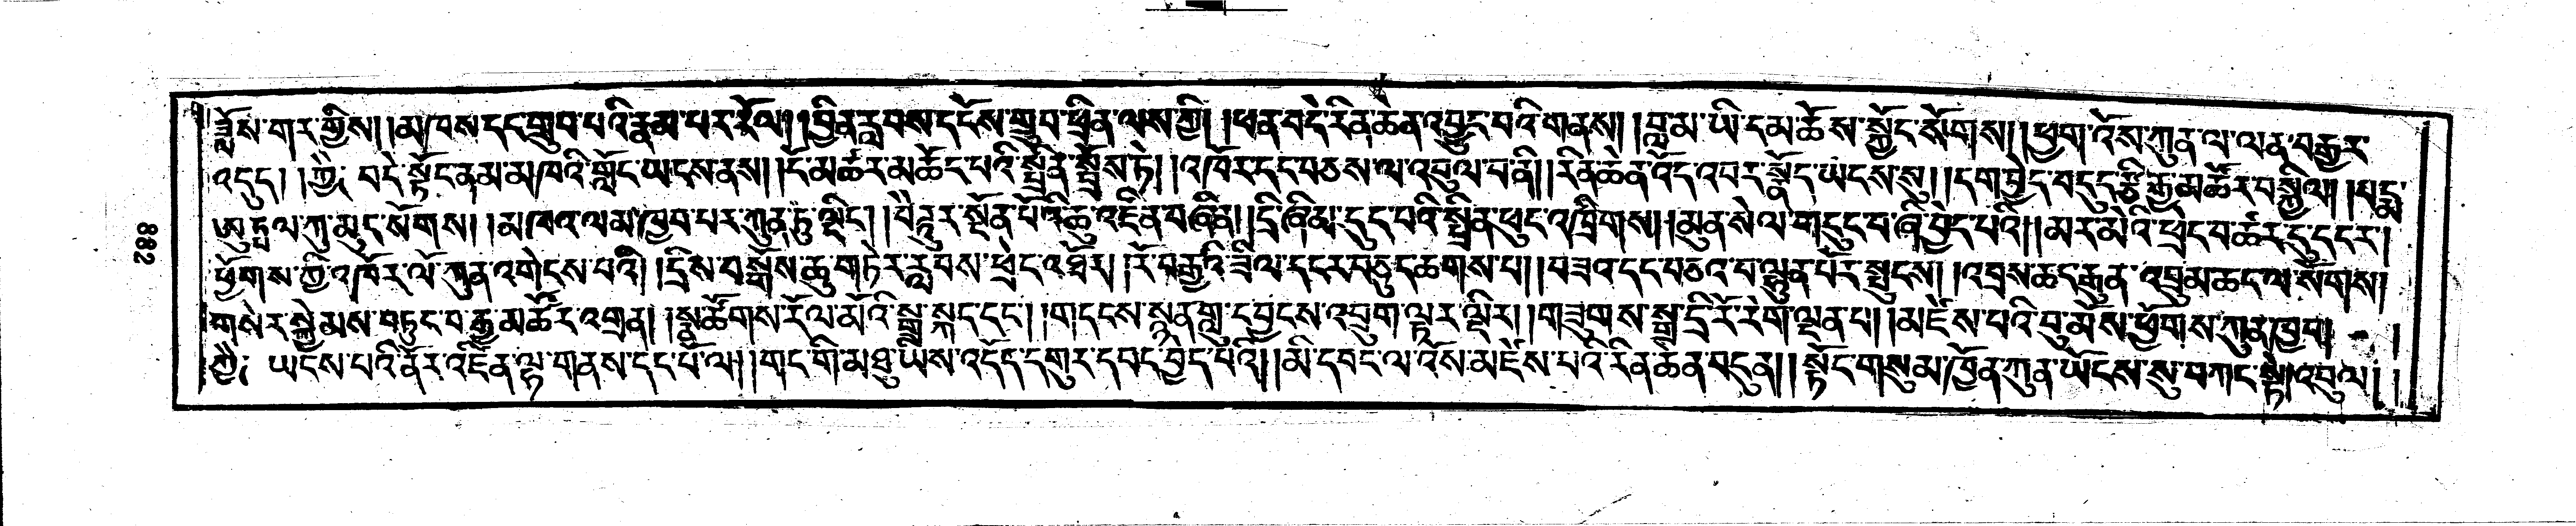ཟློས་གར་གྱིས། །མཁས་དང་གྲུབ་པའི་རྣམ་པར་རོལ། །བྱིན་རླབས་དངོས་གྲུབ་ཕྲིན་ལས་ཀྱི། །ཕན་བདེ་རིན་ཆེན་འབྱུང་བའི་གནས། །བླ་མ་ཡི་དམ་ཆོས་སྐྱོང་སོགས། །ཕྱག་འོས་ཀུན་ལ་ལན་བརྒྱར་
འདུད། །ཀྱཻ། བདེ་སྟོང་ནམ་མཁའི་གློང་ཡངས་ནས། །ངོ་མཚར་མཆོད་པའི་སྤྲིན་སྤྲོས་ཏེ། །འཁོར་དང་བཅས་ལ་འབུལ་བ་ནི། །རིན་ཆེན་འོད་འབར་སྣོད་ཡངས་སུ། །དག་བྱེད་བདུད་རྩི་རྒྱ་མཚོར་བསྐྱིལ། །པདམ་
ཨུཏྤལ་ཀུ་མུད་སོགས། །མཁའ་ལམ་ཁྱབ་པར་ཀུན་ཏུ་ལྡིང་། །བེཌཱུར་སྔོན་པོའི་ཆུ་འཛིན་བཞིན། །དྲི་ཞིམ་དུད་པའི་སྤྲིན་ཕུང་འཁྲིགས། །མུན་སེལ་གདུང་བ་ཞི་བྱེད་པའི། །མར་མེའི་ཕྲེང་བ་ཚར་དུ་དངར། །
ཕྱོགས་ཀྱི་འཁོར་ལོ་ཀུན་འགེངས་པའི། །དྲིས་བསྒོས་ཆུ་གཏེར་རླབས་ཕྲེང་འཐོར། །རོ་བརྒྱའི་ཟིལ་དངར་བཅུད་ཆགས་པ། །བཟའ་དང་བཅའ་བ་ལྷུན་པོར་སྤུངས། །འབྲས་ཆང་རྒུན་འབྲུམ་ཆང་ལ་སོགས། །
གསེར་སྐྱེམས་བཏུང་བ་རྒྱ་མཚོར་འགྲན། །སྣ་ཚོགས་རོལ་མོའི་སྒྲ་སྐད་དང་། །གདངས་སྙན་གླུ་དབྱངས་འབྲུག་ལྟར་ལྡིར། །གཟུགས་སྒྲ་དྲི་རོ་རེག་ལྡན་པ། །མཛེས་པའི་བུ་མོས་ཕྱོགས་ཀུན་ཁྱབ། །
ཀྱཻ། ཡངས་པའི་ནོར་འཛིན་ལྷ་གནས་དང་པོ་ལ། །གང་གི་མཐུ་ཡིས་འདོད་དགུར་དབང་བྱེད་པའི། །མི་དབང་ལ་འོས་མཛེས་པའི་རིན་ཆེན་བདུན། །སྟོང་གསུམ་ཁྱོན་ཀུན་ཡོངས་སུ་བཀང་སྟེ་འབུལ། །